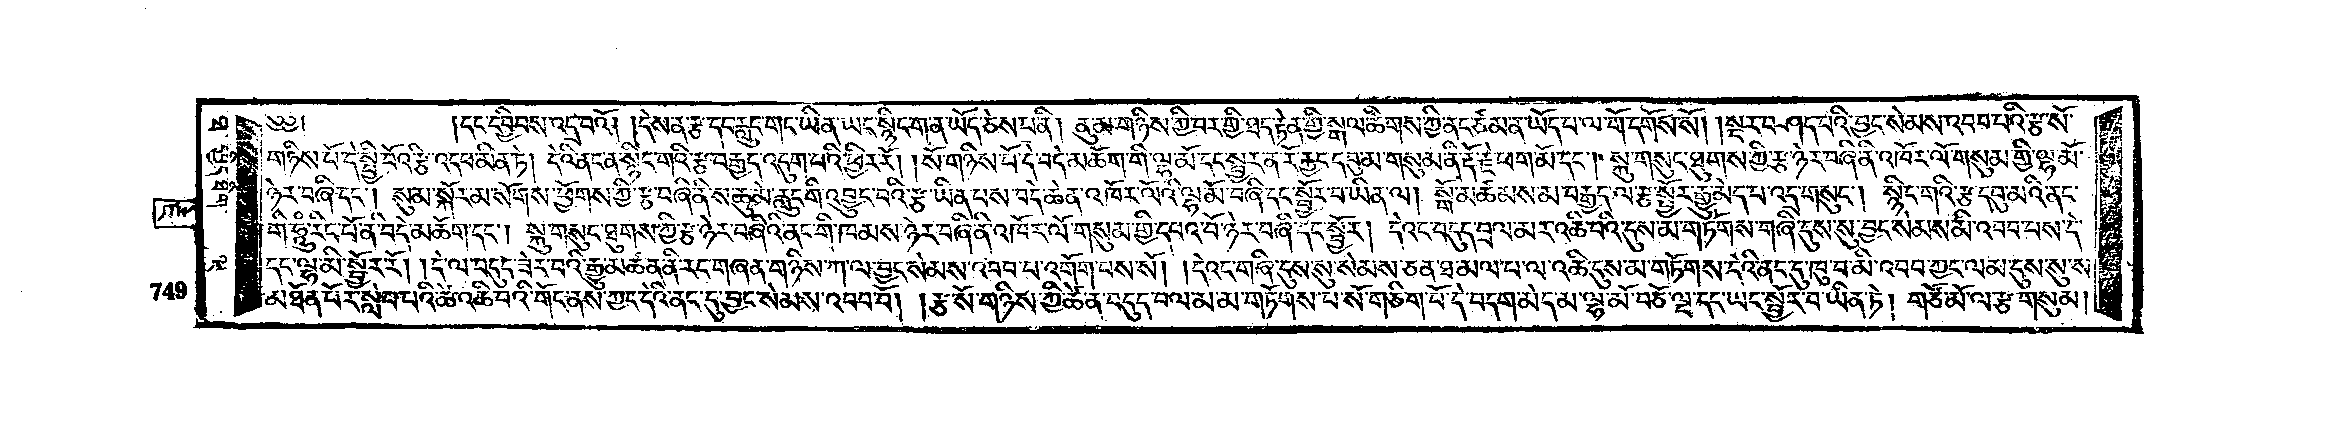༄༅། །དང་དབྱིབས་འདྲ་བའོ། །དེས་ན་རྩ་དང་རླུང་གང་ཡིན་ཡང་སྙིང་ག་ན་ཡོད་ཅེས་པ་ནི། ནུ་མ་གཉིས་ཀྱི་བར་གྱི་ཐད་རྟེན་གྱི་སྒལ་ཚིགས་ཀྱི་ནང་ཙམ་ན་ཡོད་པ་ལ་གོ་དགོས་སོ། །སྔར་བཤད་པའི་བྱང་སེམས་འབབ་པའི་རྩ་སོ་
གཉིས་པོ་དེ་སྤྱི་བོའི་རྩ་འདབ་མིན་ཏེ། དེའི་ནང་ན་སྙིང་གའི་རྩ་བརྒྱད་འདུག་པའི་ཕྱིར་རོ། །སོ་གཉིས་པོ་དེ་བདེ་མཆོག་གི་ལྷ་མོ་དང་སྦྱར་ན་རོ་རྐྱང་དབུ་མ་གསུམ་ནི་རྡོ་རྗེ་ཕག་མོ་དང་། སྐུ་གསུང་ཐུགས་ཀྱི་རྩ་ཉེར་བཞི་ནི་འཁོར་ལོ་གསུམ་གྱི་ལྷ་མོ་
ཉེར་བཞི་དང་། སུམ་སྐོར་མ་སོགས་ཕྱོགས་ཀྱི་རྩ་བཞི་ནི་ས་ཆུ་མེ་རླུང་གི་འབྱུང་བའི་རྩ་ཡིན་པས་བདེ་ཆེན་འཁོར་ལོའི་ལྷ་མོ་བཞི་དང་སྦྱོར་བ་ཡིན་ལ། སྒོ་མཚམས་མ་བརྒྱད་ལ་རྩ་སྦྱོར་རྒྱུ་མེད་པ་འདྲ་གསུང་། སྙིང་གའི་རྩ་དབུ་མའི་ནང་
གི་ཧཱུཾ་རིང་པོ་ནི་བདེ་མཆོག་དང་། སྐུ་གསུང་ཐུགས་ཀྱི་རྩ་ཉེར་བཞིའི་ནང་གི་ཁམས་ཉེར་བཞི་ནི་འཁོར་ལོ་གསུམ་གྱི་དཔའ་བོ་ཉེར་བཞི་དང་སྦྱོར། དེའང་བདུད་བྲལ་མར་འཆི་བའི་དུས་མ་འཆི་བའི་དུས་མ་གཏོགས་གཞི་དུས་སུ་བྱང་སེམས་མི་འབབ་པས་དེ་
དང་ལྷ་མི་སྦྱོར་རོ། །དེ་ལ་བདུད་ཟེར་བའི་རྒྱུ་མཚན་ནི་རང་གཞན་གཉིས་ཀ་ལ་བྱང་སེམས་འབབ་པ་འགོག་པས་སོ། །དེའང་གཞི་དུས་སུ་སེམས་ཅན་ཐ་མལ་པ་ལ་འཆི་དུས་མ་གཏོགས་དེའི་ནང་དུ་ཁུ་བ་མི་འབབ་ཀྱང་ལམ་དུས་སུ་ས་
མཐོན་པོར་སླེབ་པའི་ཚེ་འཆི་བའི་གོང་ནས་ཀྱང་དེའི་ནང་དུ་བྱང་སེམས་འབབ་བོ། །རྩ་སོ་གཉིས་ཀྱི་ཚེ་ན་བདུད་བྲལ་མ་མ་གཏོགས་པ་སོ་གཅིག་པོ་དེ་བདག་མེད་མ་ལྷ་མོ་བཅོ་ལྔ་དང་ཡང་སྦྱོར་བ་ཡིན་ཏེ། གཙོ་མོ་ལ་རྩ་གསུམ།